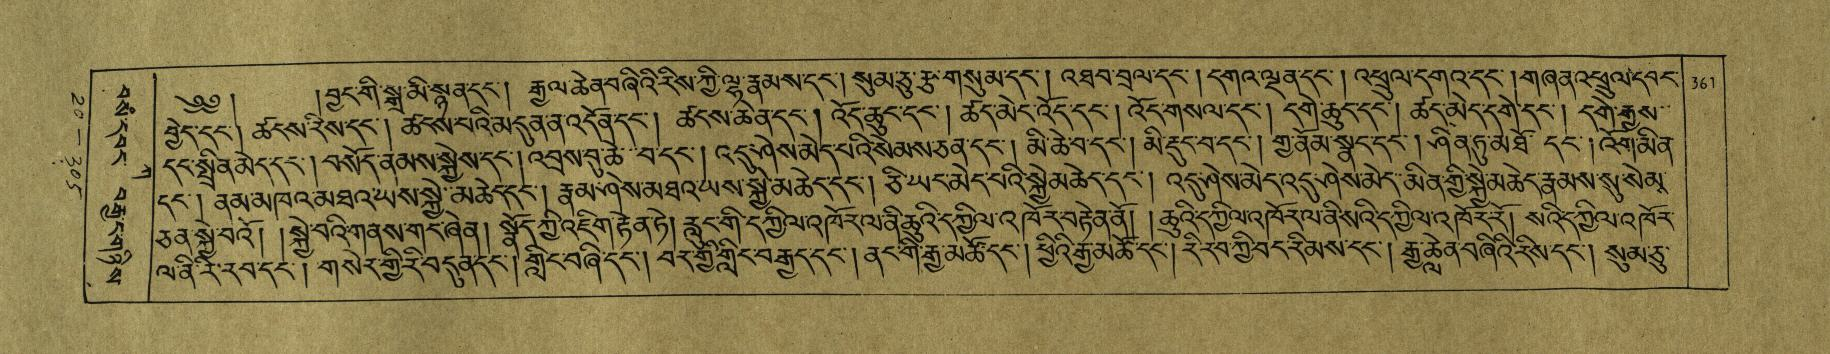༄༅། །བྱང་གི་སྒྲ་མི་སྙན་དང་། རྒྱལ་ཆེན་བཞིའི་རིས་ཀྱི་ལྷ་རྣམས་དང་། སུམ་ཅུ་རྩ་གསུམ་དང་། འཐབ་བྲལ་དང་། དགའ་ལྡན་དང་། འཕྲུལ་དགའ་དང་། གཞན་འཕྲུལ་དབང་
བྱེད་དང་། ཚངས་རིས་དང་། ཚངས་པའི་མདུན་ན་འདོན་དང་། ཚངས་ཆེན་དང་། འོད་ཆུང་དང་། ཚད་མེད་འོད་དང་། འོད་གསལ་དང་། དགེ་ཆུང་དང་། ཚད་མེད་དགེ་དང་། དགེ་རྒྱས་
དང་སྤྲིན་མེད་དང་། བསོད་ནམས་སྐྱེས་དང་། འབྲས་བུ་ཆེ་བ་དང་། འདུ་ཤེས་མེད་པའི་སེམས་ཅན་དང་། མི་ཆེ་བ་དང་། མི་རྡུང་བ་དང་། གྱ་ནོམ་སྣང་དང་། ཤིན་ཏུ་མཐོ་དང་། འོག་མིན་
དང་། ནམ་མཁའ་མཐའ་ཡས་སྐྱེ་མཆེད་དང་། རྣམ་ཤེས་མཐའ་ཡས་སྐྱེ་མཆེད་དང་། ཅི་ཡང་མེད་པའི་སྐྱེ་མཆེད་དང་། འདུ་ཤེས་མེད་འདུ་ཤེས་མེད་མིན་གྱི་སྐྱེ་མཆེད་རྣམས་སུ་སེམས་
ཅན་སྐྱེ་བའོ། །སྐྱེ་བའི་གནས་གང་ཞེན། སྣོད་ཀྱི་འཇིག་རྟེན་ཏེ། རླུང་གི་དཀྱིལ་འཁོར་ལ་ནི་ཆུའི་དཀྱིལ་འཁོར་བརྟེན་ནོ། །ཆུའི་དཀྱིལ་འཁོར་ལ་ནི་སའི་དཀྱིལ་འཁོར་རོ། སའི་དཀྱིལ་འཁོར་
ལ་ནི་རི་རབ་དང་། གསེར་གྱི་རི་བདུན་དང་། གླིང་བཞི་དང་། བར་གྱི་གླིང་བརྒྱད་དང་། ནང་གི་རྒྱ་མཚོ་དང་། ཕྱིའི་རྒྱ་མཚོ་དང་། རི་རབ་ཀྱི་བང་རིམས་དང་། རྒྱལ་ཆེན་བཞིའི་རིས་དང་། སུམ་ཅུ་